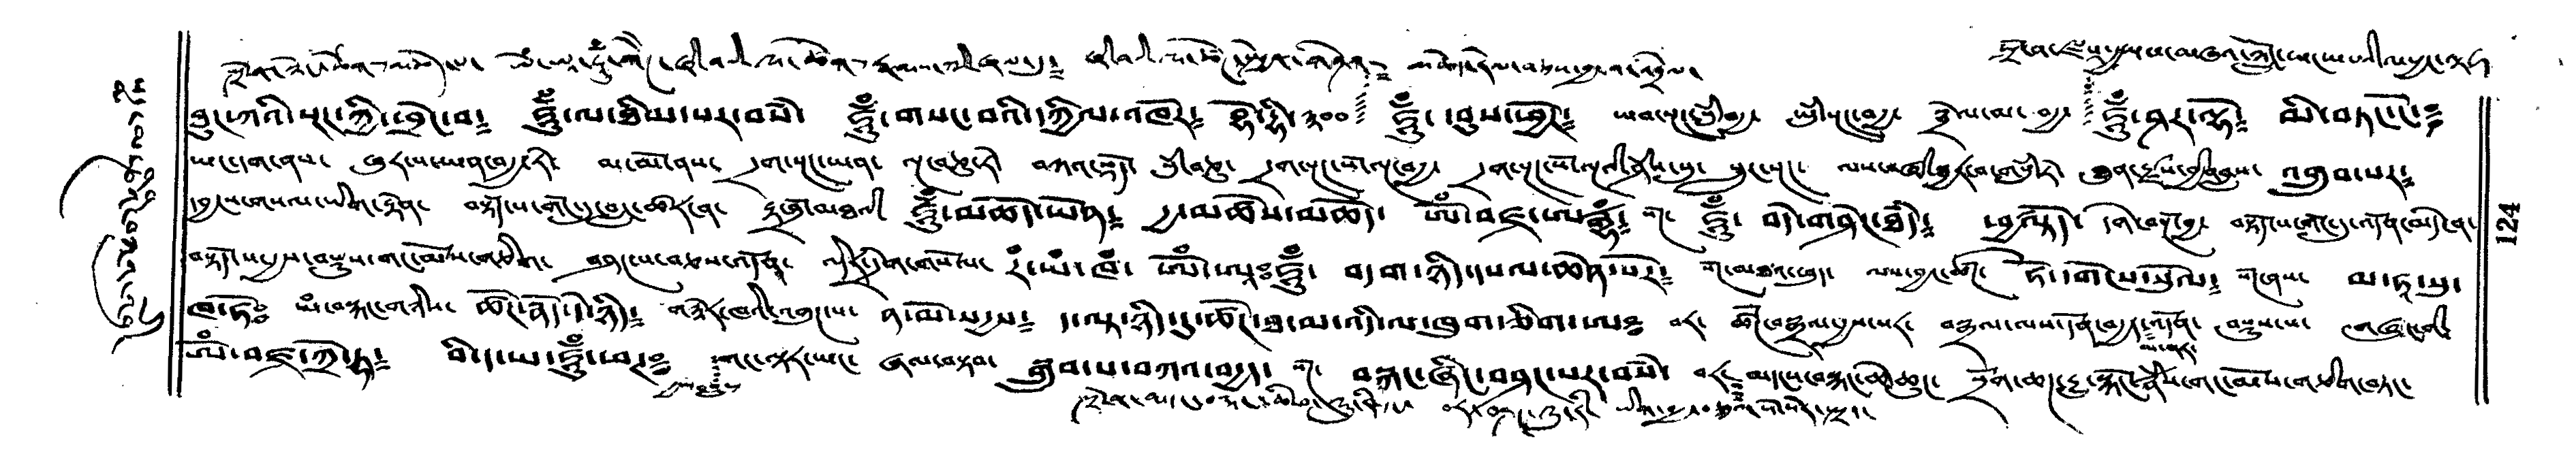ཐུགས་ཀའི་སྔགས་ཀྱི་ཕྲེང་བ༴ ཧཱུྃ་ལ་ཐིམ་པར་བསམ། ཧཱུྃགསང་བའི་དཀྱིལ་འཁོར༴ བྷོ་དྷི་སུམ་བརྒྱ། སྤྲོ་ན་སྟོང་ཚོགས་མཆོད་པ། ཨོཾ་ཨཱ་ཧཱུྃ༔ཞི་བའི་ལྷ་ཚོགས་རྣམས་ཀྱི་ཞལ་དུ༴ ཞི་བའི་ལྷ་ཚོགས་སྤྱན་འདྲེན་གཤེགས༴ མཆོད་རོལ་བཅས་བྱ་བ་འབྲེལ། ཧཱུྃ༔ དབུས་ཕྱོགས༴ ཡབ་སྔགས་སུམ་བརྒྱ། ཡུམ་སྔགས་བརྒྱ། སྦྲེལ་མ་བརྒྱ། སྤྲོ་ན་ཛབ་རྒྱས་པ་མཁའ་ཀློང་ཡངས་པའི་ལས་བྱང་ལྟར། ཧཱུྃ༔ཤར་ལྷོ༴ མི་བཏང་ངོ་། །
ཡང་དག་ནས་ཕུར་པ་ཡན་བརྒྱ་རེ། མ་མོ་ནས་དྲག་སྔགས་ཡན་ལྔ་བཅུ་རེ། བཀའ་སྡོད་སུམ་བཅུ། དྲག་སྔགས་སོ་ལྔ་བརྒྱ། དྲག་སྔགས་སོ་ལྔའི་གཤམ་དུ། སྲུང་སྔགས། ལས་བཞི་སྦྱར་བ་གསུམ་རེ། ཐུན་རྫས་བྱིན་རླབས། འགྲུབ་པར༴ 
དབྱངས་གསལ་ཡིག་རྟེན། བསྟོད་པ་གོང་དུ་བླངས་ཚར་ན། རྟ་བྲོའི་མཐར། ཧཱུྃ༔མཆོད་ཡོན༴ རྒྱ་མཚོས་མཆོད༔ ཨོཾ་བཛྲ་ཨརྒྷཾ༴ སོགས། ཧཱུྃ༔ བདེ་གཤེགས་ཐམས་ཅད༴ ཕྱག་འཚལ་བསྟོད༔ དགེ་བསྔོ་བྱ། བསྟོད་པ་གོང་དུ་བཏོན་མེད་ན་
བསྟོད་པ་རྒྱས་བསྡུས་གང་མོས་གཅིག བཤགས་པ་བཅས་འདོན། འདིར་དྲེགས་གསོལ། རྃ་ཡྃ་ཁྃ༔ ཨོཾ་ཨཱཿཧཱུྃ༔ བདག་ཉིད་དཔལ་ཆེན་པོར༴ སོགས་མཐའ་ཕུད། ལས་བྱང་ཚོགས། ཧོ༔དགོངས་སུ་གསོལ༴ སོགས་ནས། མ་ཧཱ་སུ་
ཁ་ཧོ༔ ཡཾ་བསྐང་གཉིས། ཚོགས་སྣོད་དེ་ཉིད༴ གཟེར་ཁའི་འགུགས་པ།ན་མོ༔སངས་རྒྱས༴ ད་ལྟ་ཉིད་དུ་ཚོགས་ཐ་མ་འདི་ལ་ཁུག་ཅིག༔ཨ་ཀརྴ༴ བར། ཚོགས་བསྒྲལ་རྒྱས་པར་བསྒྲལ་ལས་དོན་བརྒྱད་མ་ནར་འདོན། བསྡུས་པ། གཞུང་གི 
ཨོཾ་བཛྲ་ཀྲོ་དྷ༴ བི་ད་ཡ་ཧཱུྃ་ཕཊ༔ རྒྱས་བསྡུས་གང་ལྟར་ཡང་། ཞལ་བསྟབ། སྒྲུབ་པ་བཀའ་བརྒྱད༴ སོགས། བསྐང་ཞིང་བཤགས་པར་བསམ་བར། སྤྲོ་ན་མདངས་བསྐང་ཆེ་བ་ལྷུ་རེ་དང་། བར་བཤགས་ལྷུ་རེ། ཡིག་བརྒྱ་བཅས་སོ་སོར་སྤྲད། མདངས་བསྐང་ཆེ་ཆུང་། སྲོག་ཆགས་རྒྱུ་སྐོང་རྣམས་གང་མོས་གཅིག་བཏང་།